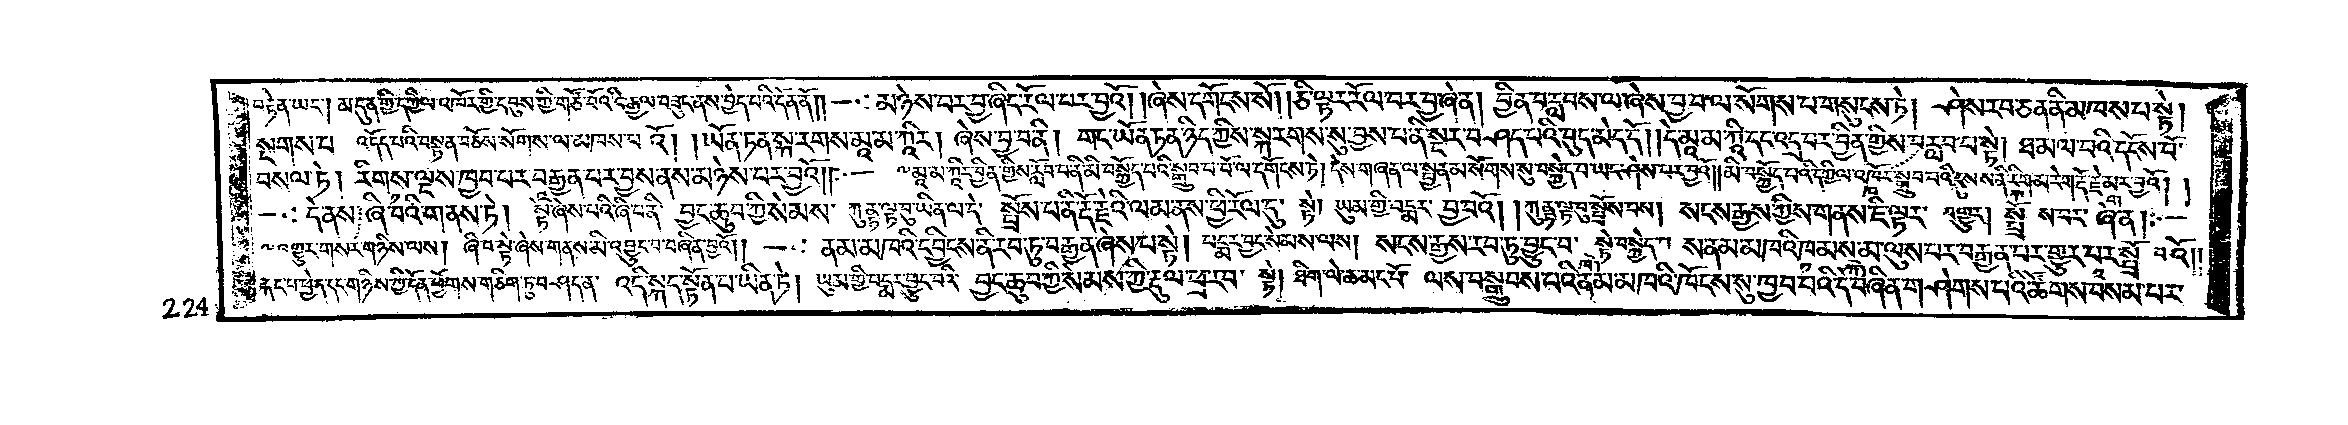བརྟེན་ཡང་། མདུན་གྱི་དཀྱིལ་འཁོར་གྱི་དབུས་ཀྱི་གཙོ་བོའི་ང་རྒྱལ་བཟུང་ནས་བྱེད་པའི་དོན་ནོ།། .Hམཉེས་པར་བྱ་ཞིང་རོལ་པར་བྱའོ། །ཞེས་དགོངས་སོ། །ཅི་ལྟར་རོལ་བར་བྱ་ཞེ་ན། བྱིན་བརླབས་ལ་ཞེས་བྱ་བ་ལ་སོགས་པ་གསུངས་ཏེ། ཤེས་རབ་ཅན་ནི་མཁས་པ་སྟེ།
སྔགས་པ་འདོད་པའི་བསྟན་བཅོས་སོགས་ལ་མཁས་པའོ། །ཡོན་ཏན་སྐ་རགས་མཱ་མ་ཀཱིར། ཞེས་བྱ་བ་ནི། གང་ཡོན་ཏན་ཉིད་ཀྱིས་སྐ་རགས་སུ་བྱས་པ་ནི་སྔར་བཤད་པའི་བུད་མེད་དོ། །དེ་མཱ་མ་ཀཱི་དང་འདྲ་བར་བྱིན་གྱིས་བརླབ་པ་སྟེ། ཐ་མལ་པའི་དངོས་པོ་
བསལ་ཏེ། རིགས་ལྔས་ཁྱབ་པར་བརྒྱན་པར་བྱས་ནས་མཉེས་པར་བྱའོ།།H.་༧མཱ་མ་ཀཱིར་བྱིན་གྱིས་རློབ་པ་ནི་མི་བསྐྱོད་པའི་སྒྲུབ་པ་པོ་ལ་དགོངས་ཏེ། དེས་གཞན་ལ་སྤྱན་མ་སོགས་སུ་བསྐྱེད་པ་ཡང་ཤེས་པར་བྱའོ། །མི་བསྐྱོད་པའི་དཀྱིལ་འཁོར་སྒྲུབ་པའི་དུས་སུ་ནི་རིག་མ་རེག་རྡོ་རྗེ་མར་བྱའོ། །
.H དེ་ནས་ཞི་བའི་གནས་ཏེ། སྟེ ༢་ཞེས་པའི་ཞི་བ་ནི་བྱང་ཆུབ་ཀྱི་སེམས་ཀུནྟ་ལྟ་བུ་ཡིན་ལ་དེ། སྤྲོས་པ་ནི་རྡོ་རྗེའི་ལམ་ནས་ཕྱི་རོལ་ཏུ་སྟེ། ཡུམ་གྱི་པདམར་བྱ་བའོ། །ཀུནྟ་ལྟ་བུ་སྤྲོས་པས། སངས་རྒྱས་ཀྱི་གནས་ཇི་ལྟར་འགྱུར།  སྤྲོས་པར་ཞེ་ན། H.
འགྱུར་གསར་གཉིས་ལས། ཞི་བ་སྟེ་ཞེས་གནས་མི་འབྱུང་བ་བཞིན་བྱའོ།། .H ནམ་མཁའི་དབྱིངས་ནི་རབ་ཏུ་བརྒྱན་ཞེས་པ་སྟེ། པདམར་བྱང་སེམས་ལས། སངས་རྒྱས་རབ་ཏུ་བྱུང་བ་སྟེ་བསྐྱེད། ས་ནམ་མཁའི་ཁམས་མ་ལུས་པར་བརྒྱན་པར་གྱུར་པར་སྤྲོ་བའོ།།
རྐང་པ་ཕྱེད་དང་གཉིས་ཀྱི་དོན་ཕྱོགས་གཅིག་ཏུ་བཤད་ན་འདི་སྐད་སྟོན་པ་ཡིན་ཏེ། ཡུམ་གྱི་པདམར་ཕྱུང་བའི་བྱང་ཆུབ་ཀྱི་སེམས་ཀྱི་རྡུལ་ཕྲ་རབ་སྟེ། ཐིག་ལེ་ཆ་མང་པོ་ལས་བསྒྲུབས་པའི་ཁ྄་ནམ་མཁའི་ཁོངས་སུ་ཁྱབ ༡་པའི་དེ་ཀ྄་བཞིན་གཤེགས་པའི་ཚོགས ༢་བསམ་པར་